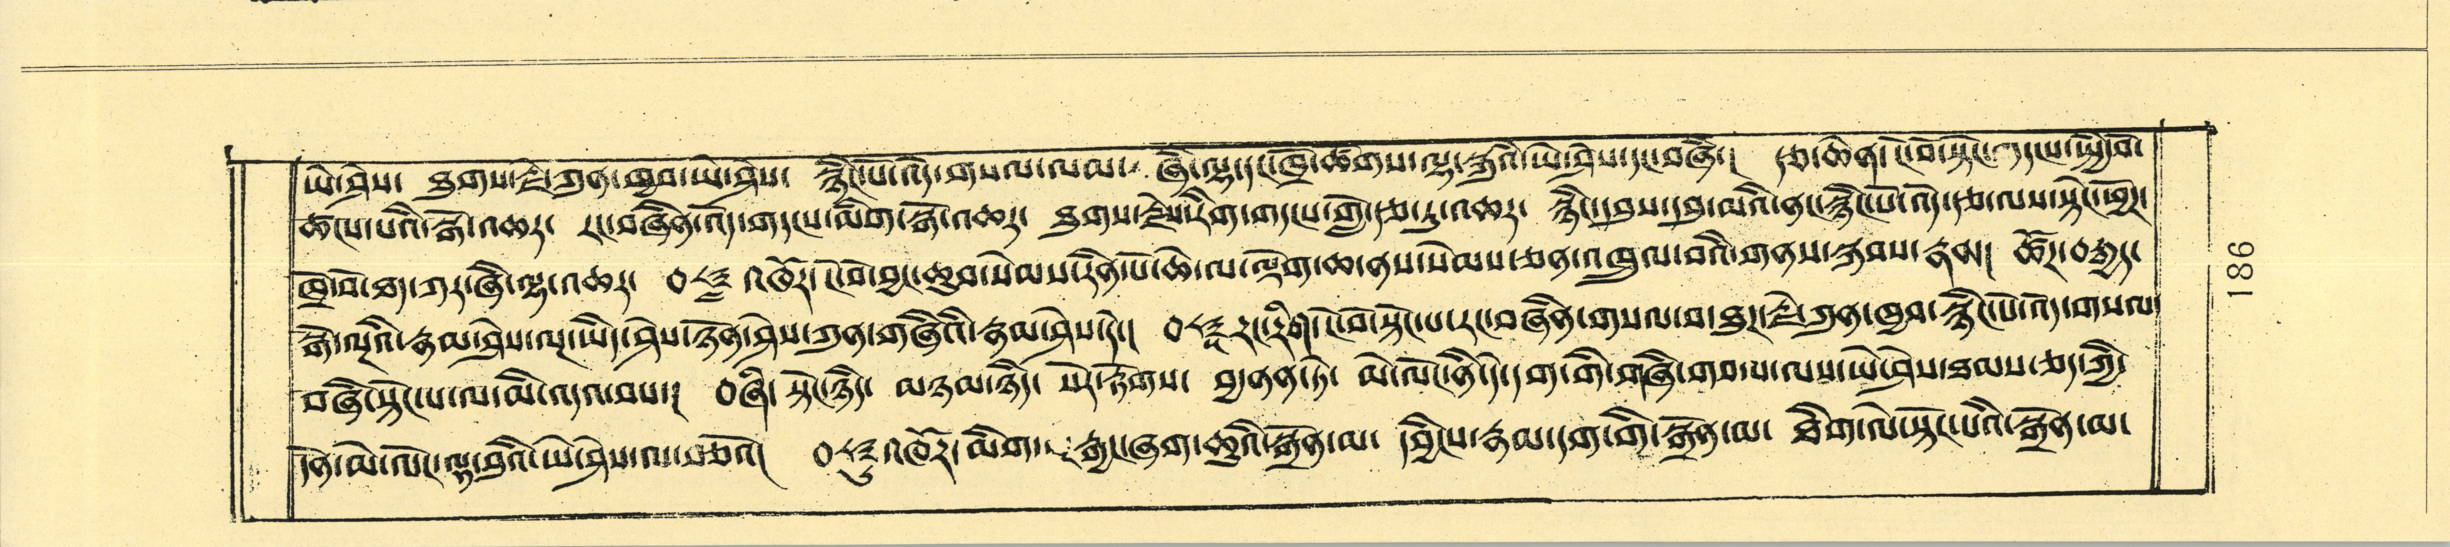ཡེ་ཤེས། ཐུགས་རྗེ་ཀུན་ཁྱབ་ཡེ་ཤེས། སྙིང་པོ་འོད་གསལ་ལམ། ཞི་ལྷ་དང་ཁྲོ་ཚོགས་ལྷ་སྐུའི་ཡེ་ཤེས་དང་བཞི།༼རྩ་ཆེན༽ངོ་བོ་སྟོང་གདངས་སྤྱི་བོ་
ཚངས་པའི་སྒོ་འཆར། རང་བཞིན་འོད་གདངས་མིག་སྒོ་འཆར། ཐུགས་རྗེས་རིག་གདང་བློ་རྩ་རུ་འཆར། སྙིང་དབུས་དབུ་མའི་ནང་སྙིང་པོ་འོད་རྩ་ལས་སྟེང་ཕྱོགས་
ཁྲོ་བོ་ཐད་ཀར་ཞི་ལྷ་འཆར། བ༨༣།༤༼འཁོར༽ངོ་བོ་བྱང་ཆུབ་སེམས་རིན་པོ་ཆེ་ལ་ལྡོག་ཆ་ནས་སེམས་ཅན་འཁྲུལ་པའི་གནས་སྐབས་རྣམ། ཚོགས་བརྒྱད་
སྒོ་ལྔའི་རྣམ་ཤེས་ལྔ་ཡིད་ཤེས་ཉོན་ཤེས་ཀུན་གཞིའི་རྣམ་ཤེས་དེ། བ༨༣།༥༼རང་རིག༽ངོ་བོ་སྟོང་པ་རང་བཞིན་གསལ་བ་ཐུགས་རྗེ་ཀུན་ཁྱབ་སྙིང་པོ་འོད་གསལ་
བཞི་སྟོང་པ་ལ་མི་འདའ་བས།༼བཞི༽སྟོང་ཉིད། མཉམ་ཉིད། སོར་རྟོགས། བྱ་ནན་ཏེ། མེ་ལོང་ནི་དེ་དག་གི་གཞི་གབ་པ་ལས་ཡེ་ཤེས་ཐམས་ཅད་ཀྱི་
དོན་མེ་ལོང་ལྟ་བུའི་ཡེ་ཤེས་ལ་བཅའོ། བ༨༣།༦༼འཁོིར༽མིག་རྒྱང་ཞགས་ཆུའི་སྒྲོན་མ་དབྱིངས་རྣམ་དག་གི་སྒྲོན་མ་ཐིག་ལེ་སྟོང་པའི་སྒྲོན་མ་